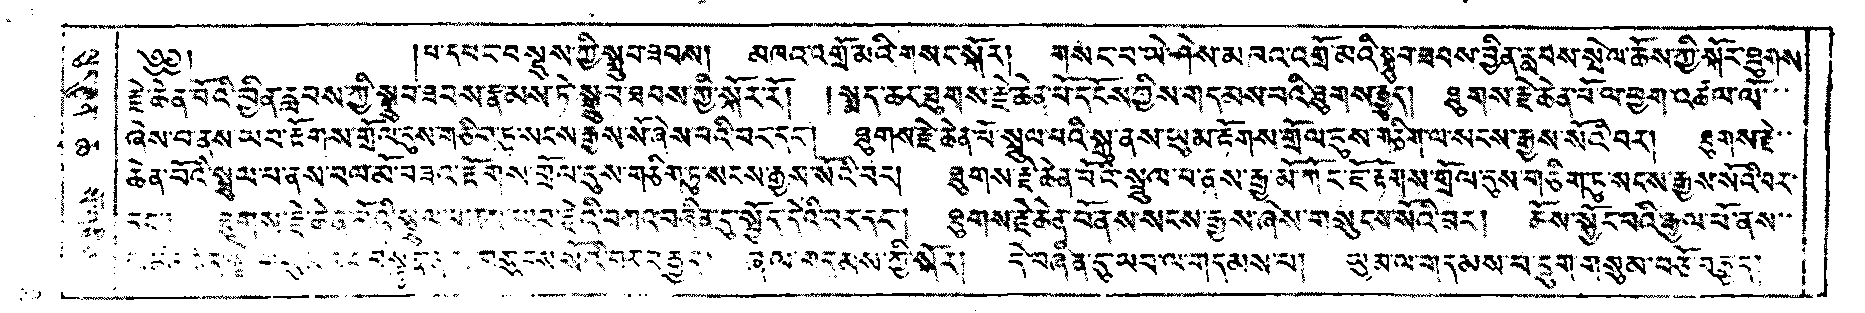༄༅། །པ་དབང་བསྡུས་ཀྱི་སྒྲུབ་ཐབས། མཁའ་འགྲོ་མའི་གསང་སྐོར། གསང་བ་ཡེ་ཤེས་མཁའ་འགྲོ་མའི་སྒྲུབ་ཐབས་བྱིན་རླབས་སྤེལ་ཆོས་ཀྱི་སྐོར་ཐུགས་
རྗེ་ཆེན་པོའི་བྱིན་རླབས་ཀྱི་སྒྲུབ་ཐབས་རྣམས་ཏེ་སྒྲུབ་ཐབས་ཀྱི་སྐོར་རོ། །སྨད་ཆར་ཐུགས་རྗེ་ཆེན་པོ་དངོས་ཀྱིས་གདམས་པའི་ཐུགས་རྒྱུད། ཐུགས་རྗེ་ཆེན་པོ་ལ་ཕྱག་འཚལ་ལོ་
ཞེས་པ་ནས་ཡབ་རྟོགས་གྲོལ་དུས་གཅིག་ཏུ་སངས་རྒྱས་སོ་ཞེས་པའི་བར་དང་། ཐུགས་རྗེ་ཆེན་པོ་སྤྲུལ་པའི་སྐུ་ནས་ཡུམ་རྟོགས་གྲོལ་དུས་གཅིག་ལ་སངས་རྒྱས་སོའི་བར། ཐུགས་རྗེ་
ཆེན་པོའི་སྤྲུལ་པ་ནས་བལ་མོ་བཟའ་རྟོགས་གྲོལ་དུས་གཅིག་ཏུ་སངས་རྒྱས་སོའི་བར། ཐུགས་རྗེ་ཆེན་པོའི་སྤྲུལ་པ་ནས་རྒྱ་མོ་ཀོང་ཇོ་རྟོགས་གྲོལ་དུས་གཅིག་ཏུ་སངས་རྒྱས་སོའི་བར་
དང་། ཐུགས་རྗེ་ཆེན་པོའི་སྤྲུལ་པ་ནས་ཡབ་རྗེའི་བཀའ་བཞིན་དུ་སྤྱོད་དེའི་བར་དང་། ཐུགས་རྗེ་ཆེན་པོ་ནས་སངས་རྒྱས་ཞེས་གསུངས་སོའི་བར། ཆོས་སྐྱོང་བའི་རྒྱལ་པོ་ནས་
མཚན་ཉིད་སྡེ་གསུམ་དང་བསྟུན་ནས་གསུངས་སོའི་བར་བརྒྱད། ཞལ་གདམས་ཀྱི་སྐོར། དེ་བཞིན་དུ་ཡབ་ལ་གདམས་པ། ཡུམ་ལ་གདམས་པ་དྲུག་གསུམ་བཅོ་བརྒྱད།